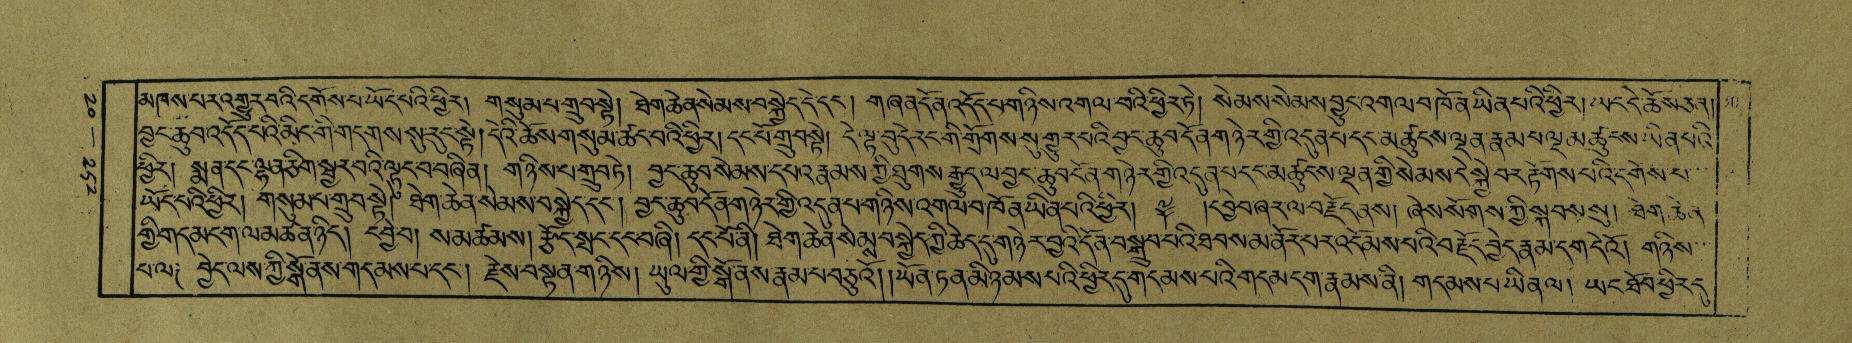མཁས་པར་འགྱུར་བའི་དགོས་པ་ཡོད་པའི་ཕྱིར། གསུམ་པ་གྲུབ་སྟེ། ཐེག་ཆེན་སེམས་བསྐྱེད་དེ་དང་། གཞན་དོན་འདོད་པ་གཉིས་འགལ་བའི་ཕྱིར་ཏེ། སེམས་སེམས་བྱུང་འགལ་བ་ཁོ་ན་ཡིན་པའི་ཕྱིར། ཡང་དེ་ཆོས་ཅན།
བྱང་ཆུབ་འདོད་པའི་མིང་གི་གདགས་སུ་རུང་སྟེ། དེའི་ཆོས་གསུམ་ཚང་བའི་ཕྱིར། དང་པོ་གྲུབ་སྟེ། དེ་ལྟ་བུ་དེ་རང་གི་གྲོགས་སུ་གྱུར་པའི་བྱང་ཆུབ་དོན་གཉེར་གྱི་འདུན་པ་དང་མཚུངས་ལྡན་རྣམ་པ་ལྔ་མཚུངས་ཡིན་པའི་
ཕྱིར། སྨན་དང་ལྷན་ཅིག་སྦྱར་བའི་ལྟུང་བ་བཞིན། གཉིས་པ་གྲུབ་སྟེ། བྱང་ཆུབ་སེམས་དཔའ་རྣམས་ཀྱི་ཐུགས་རྒྱུད་ལ་བྱང་ཆུབ་ངོན་གཉེར་གྱི་འདུན་པ་དང་མཚུངས་ལྡན་གྱི་སེམས་དེ་སྐྱེ་བར་རྟོགས་པའི་དགོས་པ་
ཡོད་པའི་ཕྱིར། གསུམ་པ་གྲུབ་སྟེ། ཐེག་ཆེན་སེམས་བསྐྱེད་དང་། བྱང་ཆུབ་དོན་གཉེར་གྱི་འདུན་པ་གཉིས་འགལ་བ་ཁོ་ན་ཡིན་པའི་ཕྱིར། ༈ །དབྱེ་བ་ཞར་ལ་བརྗོད་ནས། ཞེས་སོགས་ཀྱི་སྐབས་སུ། ཐེག་ཆེན་
གྱི་གདམ་ངག་ལ་མཚན་ཉིད། དབྱེ་བ། ས་མཚམས། རྩོད་སྤང་དང་བཞི། དང་པོ་ནི། ཐེག་ཆེན་སེམས་བསྐྱེད་ཀྱི་ཆེད་དུ་གཉེར་བྱའི་དོན་བསྒྲུབ་པའི་ཐབས་མ་ནོར་པར་འདོམས་པའི་བརྗོད་བྱེད་རྣམ་དག་དེའོ། གཉིས་
པ་ལ༑ བྱེད་ལས་ཀྱི་སྒོ་ནས་གདམས་པ་དང་། རྗེས་བསྟན་གཉིས། ཡུལ་གྱི་སྒོ་ནས་རྣམ་པ་བཅུའོ། །ཡོན་ཏན་མི་ཉམས་པའི་ཕྱིར་དུ་གདམས་པའི་གདམ་དག་རྣམས་ནི། གདམས་པ་ཡིན་ལ། ཡང་ཐོབ་ཕྱིར་དུ་